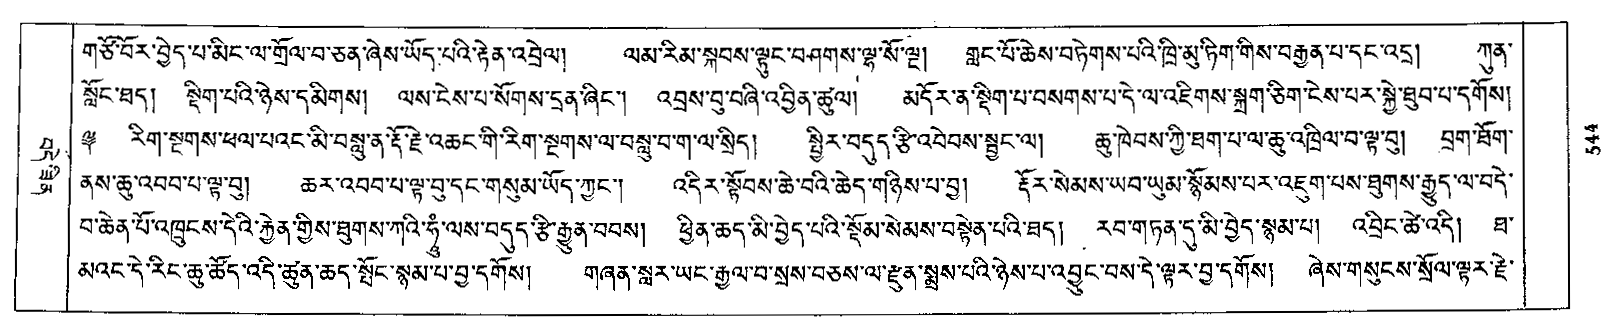གཙོ་བོར་བྱེད་པ་མིང་ལ་གྲོལ་བ་ཅན་ཞེས་ཡོད་པའི་རྟེན་འབྲེལ། ལམ་རིམ་སྐབས་ལྟུང་བཤགས་ལྷ་སོ་ལྔ། གླང་པོ་ཆེས་བཏེགས་པའི་ཁྲི་མུ་ཏིག་གིས་བརྒྱན་པ་དང་འདྲ། ཀུན་
སློང་ཐད། སྡིག་པའི་ཉེས་དམིགས། ལས་ངེས་པ་སོགས་དྲན་ཞིང་། འབྲས་བུ་བཞི་འབྱིན་ཚུལ། མདོར་ན་སྡིག་པ་བསགས་པ་དེ་ལ་འཇིགས་སྐྲག་ཅིག་ངེས་པར་སྐྱེ་ཐུབ་པ་དགོས།
༈ རིག་སྔགས་ཕལ་པའང་མི་བསླུ་ན་རྡོ་རྗེ་འཆང་གི་རིག་སྔགས་ལ་བསླུ་བ་ག་ལ་སྲིད། སྤྱིར་བདུད་རྩི་འབེབས་སྦྱང་ལ། ཆུ་ཁེབས་ཀྱི་ཐག་པ་ལ་ཆུ་འཁྲིལ་བ་ལྟ་བུ། བྲག་ཐོག་
ནས་ཆུ་འབབ་པ་ལྟ་བུ། ཆར་འབབ་པ་ལྟ་བུ་དང་གསུམ་ཡོད་ཀྱང་། འདིར་སྟོབས་ཆེ་བའི་ཆེད་གཉིས་པ་བྱ། རྡོར་སེམས་ཡབ་ཡུམ་སྙོམས་པར་འཇུག་པས་ཐུགས་རྒྱུད་ལ་བདེ་
བ་ཆེན་པོ་འཁྲུངས་དེའི་རྐྱེན་གྱིས་ཐུགས་ཀའི་ཧཱུཾ་ལས་བདུད་རྩི་རྒྱུན་བབས། ཕྱིན་ཆད་མི་བྱེད་པའི་སྡོམ་སེམས་བསྟེན་པའི་ཐད། རབ་གཏན་དུ་མི་བྱེད་སྙམ་པ། འབྲིང་ཚེ་འདི། ཐ་
མའང་དེ་རིང་ཆུ་ཚོད་འདི་ཚུན་ཆད་སྤོང་སྙམ་པ་བྱ་དགོས། གཞན་སླར་ཡང་རྒྱལ་བ་སྲས་བཅས་ལ་རྫུན་སྨྲས་པའི་ཉེས་པ་འབྱུང་བས་དེ་ལྟར་བྱ་དགོས། ཞེས་གསུངས་སྲོལ་ལྟར་རྗེ་